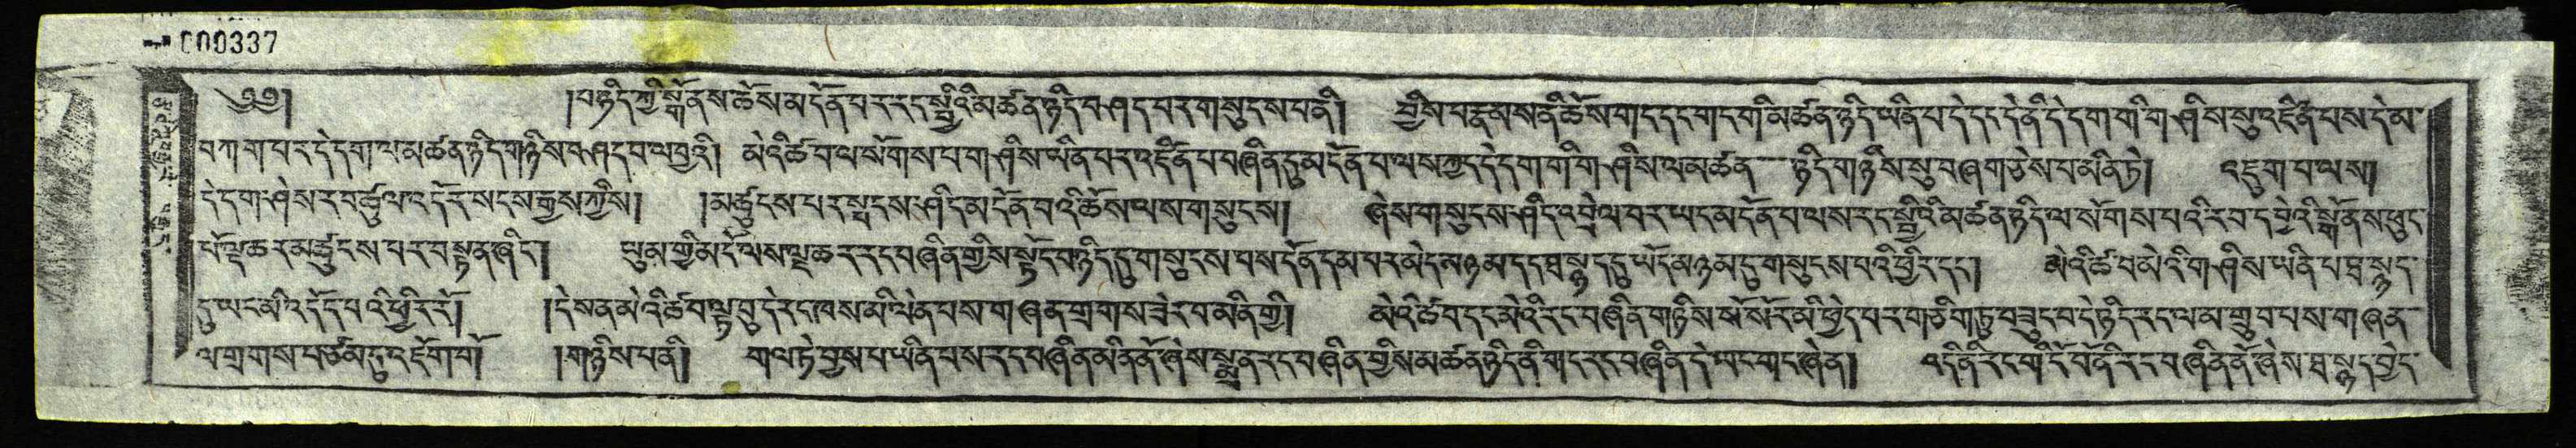༄༅། །པ་ཉིད་ཀྱི་སྒོ་ནས་ཆོས་མངོན་པར་རང་སྤྱིའི་མཚན་ཉིད་བཤད་པར་གསུངས་པ་ནི། བྱིས་པ་རྣམས་ནི་ཆོས་གང་དང་གང་གི་མཚན་ཉིད་ཡིན་པ་དེ་དང་དེ་ནི་དེ་དག་གི་གཤིས་སུ་འཛིན་པས་དེ་མ་
བཀག་པར་དེ་དག་ལ་མཚན་ཉིད་གཉིས་བཤད་པ་ལ་བྱའི། མེའི་ཚ་བ་ལ་སོགས་པ་གཤིས་ཡིན་པར་འཛིན་པ་བཞིན་དུ་མངོན་པ་ལས་ཀྱང་དེ་དག་གི་གཤིས་ལ་མཚན་ཉིད་གཉིས་སུ་བཞག་ཅེས་པ་མིན་ཏེ། འཇུག་པ་ལས།
དེ་དག་ཤེས་རབ་ཚུལ་འདོར་སངས་རྒྱས་ཀྱིས། །མཚུངས་པར་སྤངས་ཤིང་མངོན་པའི་ཆོས་ལས་གསུངས། ཞེས་གསུངས་ཤིང་འགྲེལ་བར་ཡང་མངོན་པ་ལས་རང་སྤྱིའི་མཚན་ཉིད་ལ་སོགས་པའི་རབ་དབྱེའི་སྒོ་ནས་ཕུང་
པོ་ལྔ་ཆར་མཚུངས་པར་བསྟན་ཞིང་། ཡུམ་གྱི་མདོ་ལས་ལྔ་ཆར་རང་བཞིན་གྱིས་སྟོང་པ་ཉིད་དུ་གསུངས་པས་དོན་དམ་པར་མེད་མཉམ་དང་ཐ་སྙད་དུ་ཡོད་མཉམ་དུ་གསུངས་པའི་ཕྱིར་དང་། མེའི་ཚ་བ་མེའི་གཤིས་ཡིན་པ་ཐ་སྙད་
དུ་ཡང་མི་འདོད་པའི་ཕྱིར་རོ། །དེས་ན་མེའི་ཚ་བ་ལྟ་བུ་དེ་རང་ཁས་མི་ལེན་པས་གཞན་གྲགས་ཟེར་བ་མིན་གྱི། མེའི་ཚ་བ་དང་མེའི་རང་བཞིན་གཉིས་སོ་སོར་མི་ཕྱེད་པར་གཅིག་ཏུ་བཟུང་བ་དེ་ཉིད་རང་ལ་མ་གྲུབ་པས་གཞན་
ལ་གྲགས་པ་ཙམ་དུ་འཇོག་གོ །གཉིས་པ་ནི། གལ་ཏེ་བྱས་པ་ཡིན་པས་རང་བཞིན་མིན་ནོ་ཞེས་སྨྲ་ན་རང་བཞིན་གྱིས་མཚན་ཉིད་ནི་གང་རང་བཞིན་དེ་ཡང་གང་ཞེ་ན། འདི་ནི་རང་གི་ངོ་བོ་ནི་རང་བཞིན་ནོ་ཞེས་ཐ་སྙད་བྱེད་